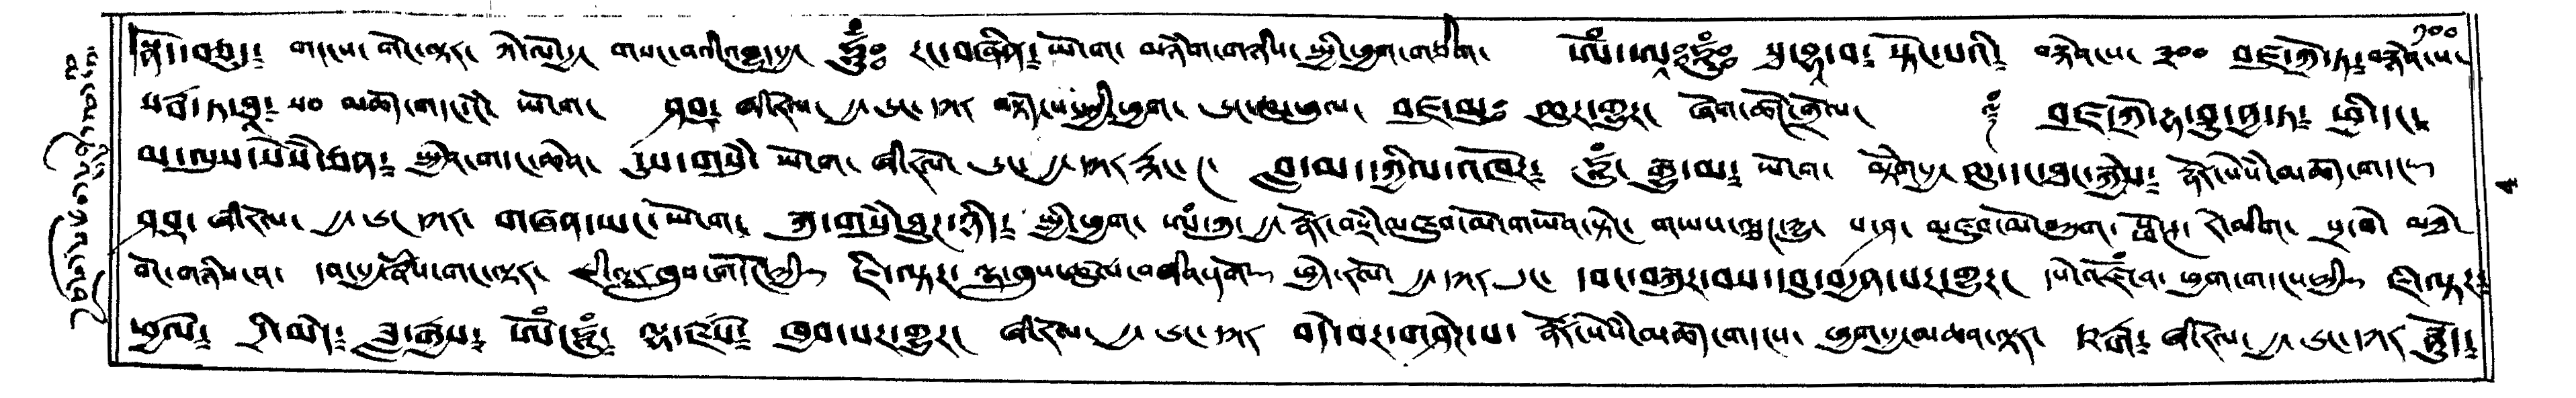སྣོད་བཅུད༴ གདངས། གོང་ལྟར། ཀེ་ལོ་རྒྱ། གསང་བའི་འཁྱུད་རྒྱ། ཧཱུྃཿ རང་བཞིན༴ ཡོ་ག མཉམ་བཞག་གཉིས། སྤྱི་ཕྱག་གཅིག ཨོཾ་ཨཱཿཧཱུྃཿ སྭ་བྷཱ་བ༴ སྟོང་པའི༴ བསྙེན་པ་སུམ་བརྒྱ། བཛྲ་ཀྲོ་ཏ༴ བསྙེན་པ་བརྒྱ། 
སརྦ་ཏ་ཐཱ༴ ལྔ་བཅུ། མཆོད་གདས་སམ། ཡོ་ག ཤབྡ༴ ཞི་རོལ། རྒྱ། དུང་དཀར། བསྟོད་པ་སྤྱི་ཕྱག དུང་ཆུ་ཕུལ། བཛྲ་མུཿ ཆུར་གྱུར། ཞོག་ཚོགས་གྲོལ། ༈ བཛྲ་ཀྲོ་དྷ་ཤུ་ནྱ་ཏ༴ ཕྱི་དང༴ 
མ་ལུས་སེམས་ཅན༴ སྤྱན་འདྲེན་གདངས་ཆེན། དུས་གསུམ། ཡོ་ག ཞི་རོལ། དུང་། རྒྱ། དཀར། རྐང་། ཌཱ། བླ་མ་དཀྱིལ་འཁོར༴ ཧཱུྃ། སྒྱུ་མ༴ ཡོ་ག མེ་ཏོག་རྒྱ། ཆུ་དང་ཐང་སྐྱེས༴ རྡོར་སེམས་མཆོད་གདངས། 
ཤབྡ། ཞི་རོལ། རྒྱ། དུང་དཀར། གཞན་ཡང་། ཡོ་ག་སྐུ་གསུམ་ཐུགས་ཉིད༴ སྤྱི་ཕྱག ཨཾ་ཀུ རྒྱ། རྣལ་འབྱོར་བསྡམ་མཛུབ་མོ་གཡོན་སྟེང་། གཡས་ལྕགས་ཀྱུ པ་ཤ། མཛུབ་མོ་བཀུག སྥོ་ཊ། རེ་མིག པྲ་བེ། མཐེ་
བོང་གཉིས་ནང་། དན་རྒྱ་རྣམས་གོང་ལྟར། ཇི་ལྟར་ཁྲུས་གདངས་ཀྱིས། ཇི་ལྟར། ལྷ་ཁྲུས་ཚུལ་བཞིན་དགོས། ཕྱེད་རོལ། རྒྱ། དཀར། དུང་། དབང་བསྐུར་བས་དབུ་བརྒྱན་པར་གྱུར། དཔེ་འཛོམ་ན། ཕྱག་གདངས་ཀྱིས། ཇི་ལྟར༴ 
ཕྱག་འཚལ༴ དྲི་མེད༴ ཟླ་རྒྱས༴ ཨོཾ་ཧཱུྃ༴ ལྷ་རྫས༴ ཁྱབ་པར་གྱུར། ཞི་རོལ། རྒྱ། དུང་། དཀར། བདེ་བར་གཤེགས་པ།རྡོར་སེམས་མཆོད་གདངས། ཕྱག་རྒྱ་མཆན་ལྟར། རརྒ༴ ཞི་རོལ། རྒྱ། དུང་། དཀར། སྣོད་བཅུད༴